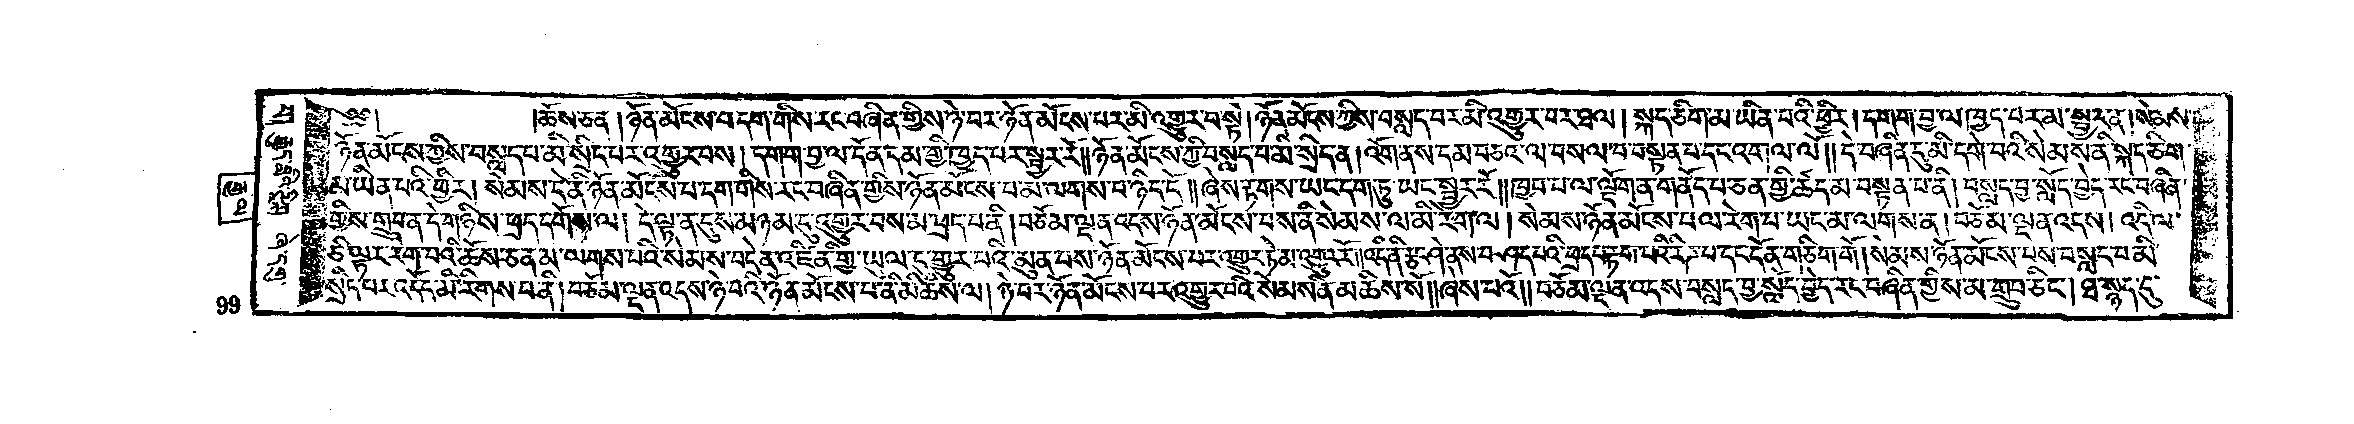༄༅། །ཆོས་ཅན། ཉོན་མོངས་པ་དག་གིས་རང་བཞིན་གྱིས་ཉེ་བར་ཉོན་མོངས་པར་མི་འགྱུར་བ་སྟེ། ཉོན་མོངས་ཀྱིས་བསླད་པར་མི་འགྱུར་བར་ཐལ། སྐད་ཅིག་མ་ཡིན་པའི་ཕྱིར། དགག་བྱ་ལ་ཁྱད་པར་མ་སྦྱར་ན། སེམས་
ཉོན་མོངས་ཀྱིས་བསླད་པ་མི་སྲིད་པར་འགྱུར་བས། དགག་བྱ་ལ་དོན་དམ་གྱི་ཁྱད་པར་སྦྱར་རོ། །ཉོན་མོངས་ཀྱི་བསླད་པ་མི་སྲིད་ན། འོག་ནས་དམ་བཅའ་ལ་བསལ་བ་བསྟན་པ་དང་འགལ་ལོ། །དེ་བཞིན་དུ་མི་དགེ་བའི་སེམས་ནི་སྐད་ཅིག་
མ་ཡིན་པའི་ཕྱིར། སེམས་དེ་ནི་ཉོན་མོངས་པ་དག་གིས་རང་བཞིན་གྱིས་ཉོན་མོངས་པ་མ་ལགས་པ་ཉིད་དོ། །ཞེས་རྟགས་ཡང་དག་ཏུ་ཡང་སྦྱར་རོ། །ཁྱབ་པ་ལ་ལྡོག་ན་གནོད་པ་ཅན་གྱི་ཚད་མ་བསྟན་པ་ནི། བསླད་བྱ་སློད་བྱེད་རང་བཞིན་
གྱིས་གྲུབ་ན་དེ་གཉིས་ཕྲད་དགོས་ལ། དེ་ལྟ་ན་དུས་མཉམ་དུ་འགྱུར་བས་མ་ཕྲད་པ་ནི། བཅོམ་ལྡན་འདས་ཉོན་མོངས་པས་ནི་སེམས་ལ་མི་རེག་ལ། སེམས་ཉོན་མོངས་པ་ལ་རེག་པ་ཡང་མ་ལགས་ན། བཅོམ་ལྡན་འདས། འདི་ལ་
ཅི་ལྟར་རེག་པའི་ཆོས་ཅན་མ་ལགས་པའི་སེམས་བདེན་འཛིན་གྱི་ཡུལ་དུ་གྱུར་པའི་མུན་པས་ཉོན་མོངས་པར་འགྱུར་ཏེ་མ་འགྱུར་རོ། །འདི་ནི་རྩ་ཤེ་ནས་བཤད་པའི་ཕྲད་པ་རྟག་པའི་རིགས་པ་དང་དོན་གཅིག་གོ །སེམས་ཉོན་མོངས་པས་བསླད་པ་མི་
སྲིད་པར་འདོད་མི་རིགས་པ་ནི། བཅོམ་ལྡན་འདས་ཉེ་བའི་ཉོན་མོངས་པ་ནི་མཆིས་ལ། ཉེ་བར་ཉོན་མོངས་པར་འགྱུར་བའི་སེམས་ནི་མཆིས་སོ། །ཞེས་པའོ། །བཅོམ་ལྡན་འདས་བསླད་བྱ་སློད་བྱེད་རང་བཞིན་གྱིས་མ་གྲུབ་ཅིང་། ཐ་སྙད་དུ་